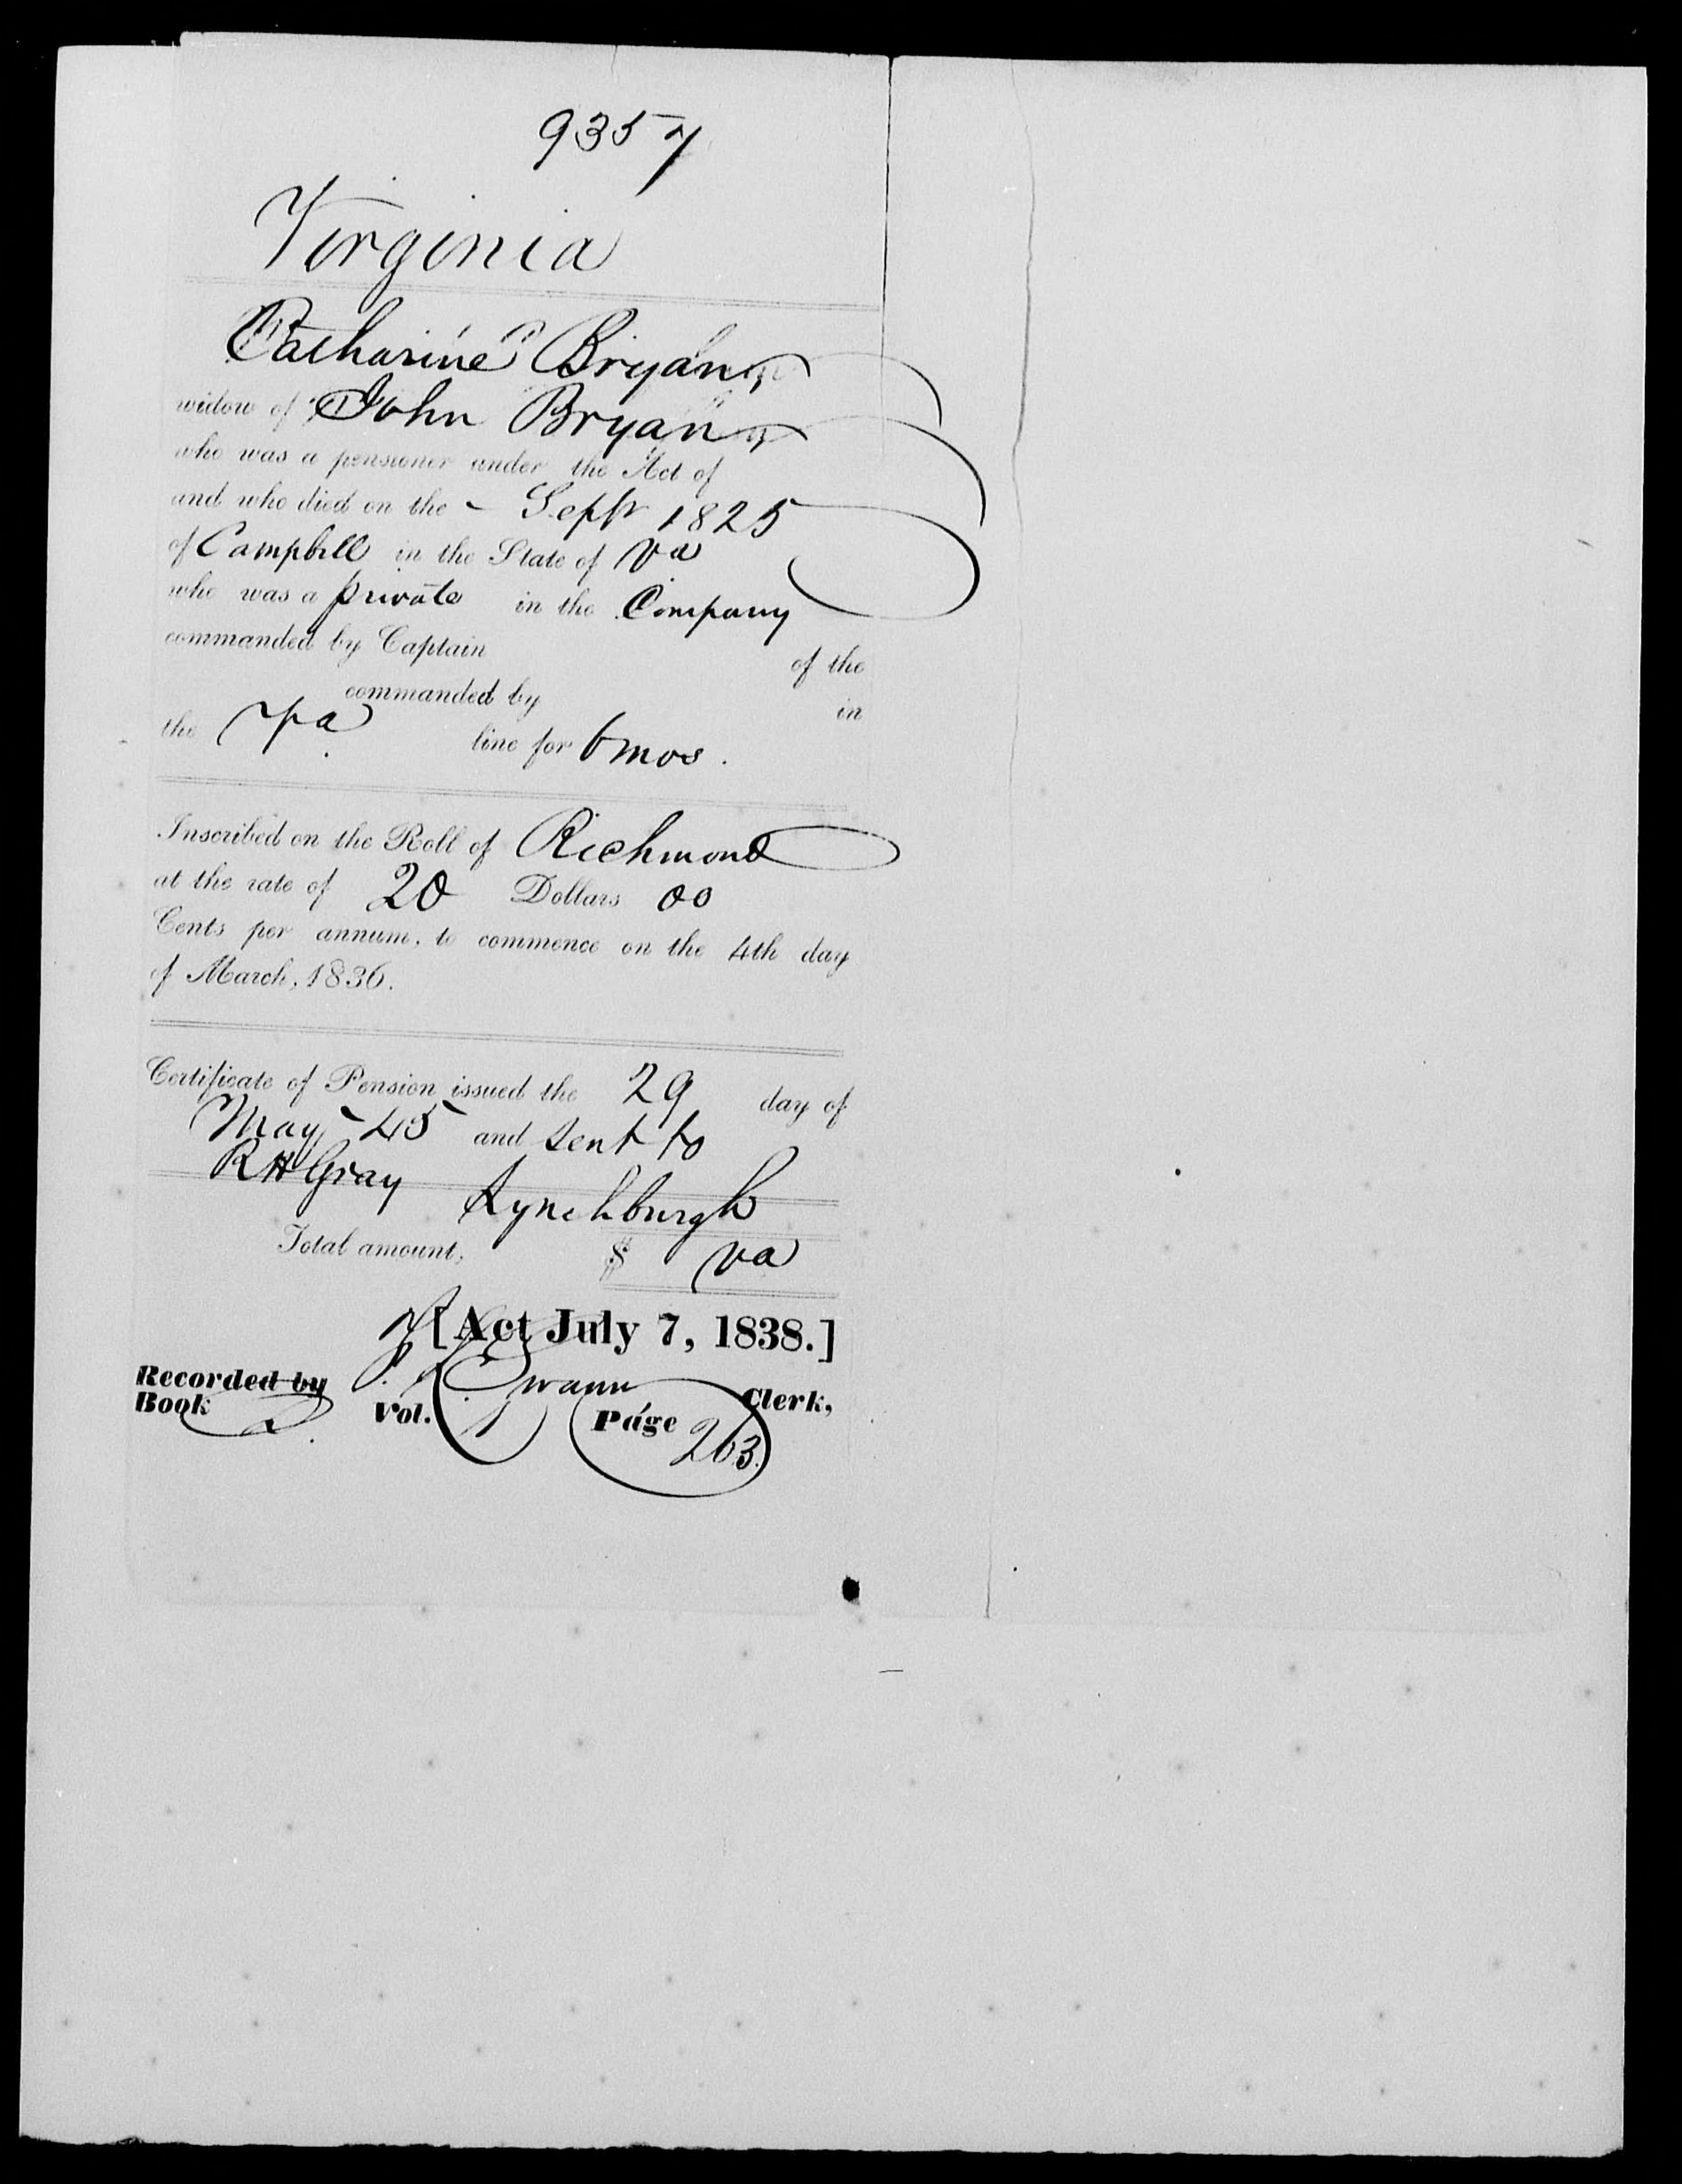Page 12
9357
Virginia

Catharine Bryan
widow of John Bryan
who was a private under the Act of 
and who died on the Sept. 1825
of Campbell in the State of Va.
who was a Private in the Company 
commanded by Captain of the 
commanded by in
the Va line for 6 mos.

Inscribed on the Roll at Richmond
at the rate of 20 Dollars 00 
Cents per annum, to commence on the 4th day
of March, 1836.

Certificate of Pension issued the 29 day of 
May '38 and sent to 
R H Gray Lynchburg
Total amount. $ Na

[Act of July 7, 1838.] 
Recorded by F L Swann, Clerk, [signature] 
Book C.Vol. 2, Page 203.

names: John Bryan, R H Gray, F L Swann, Catharine Bryan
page: 11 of 31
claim: widow's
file: W. 3759, John Bryan, Va.